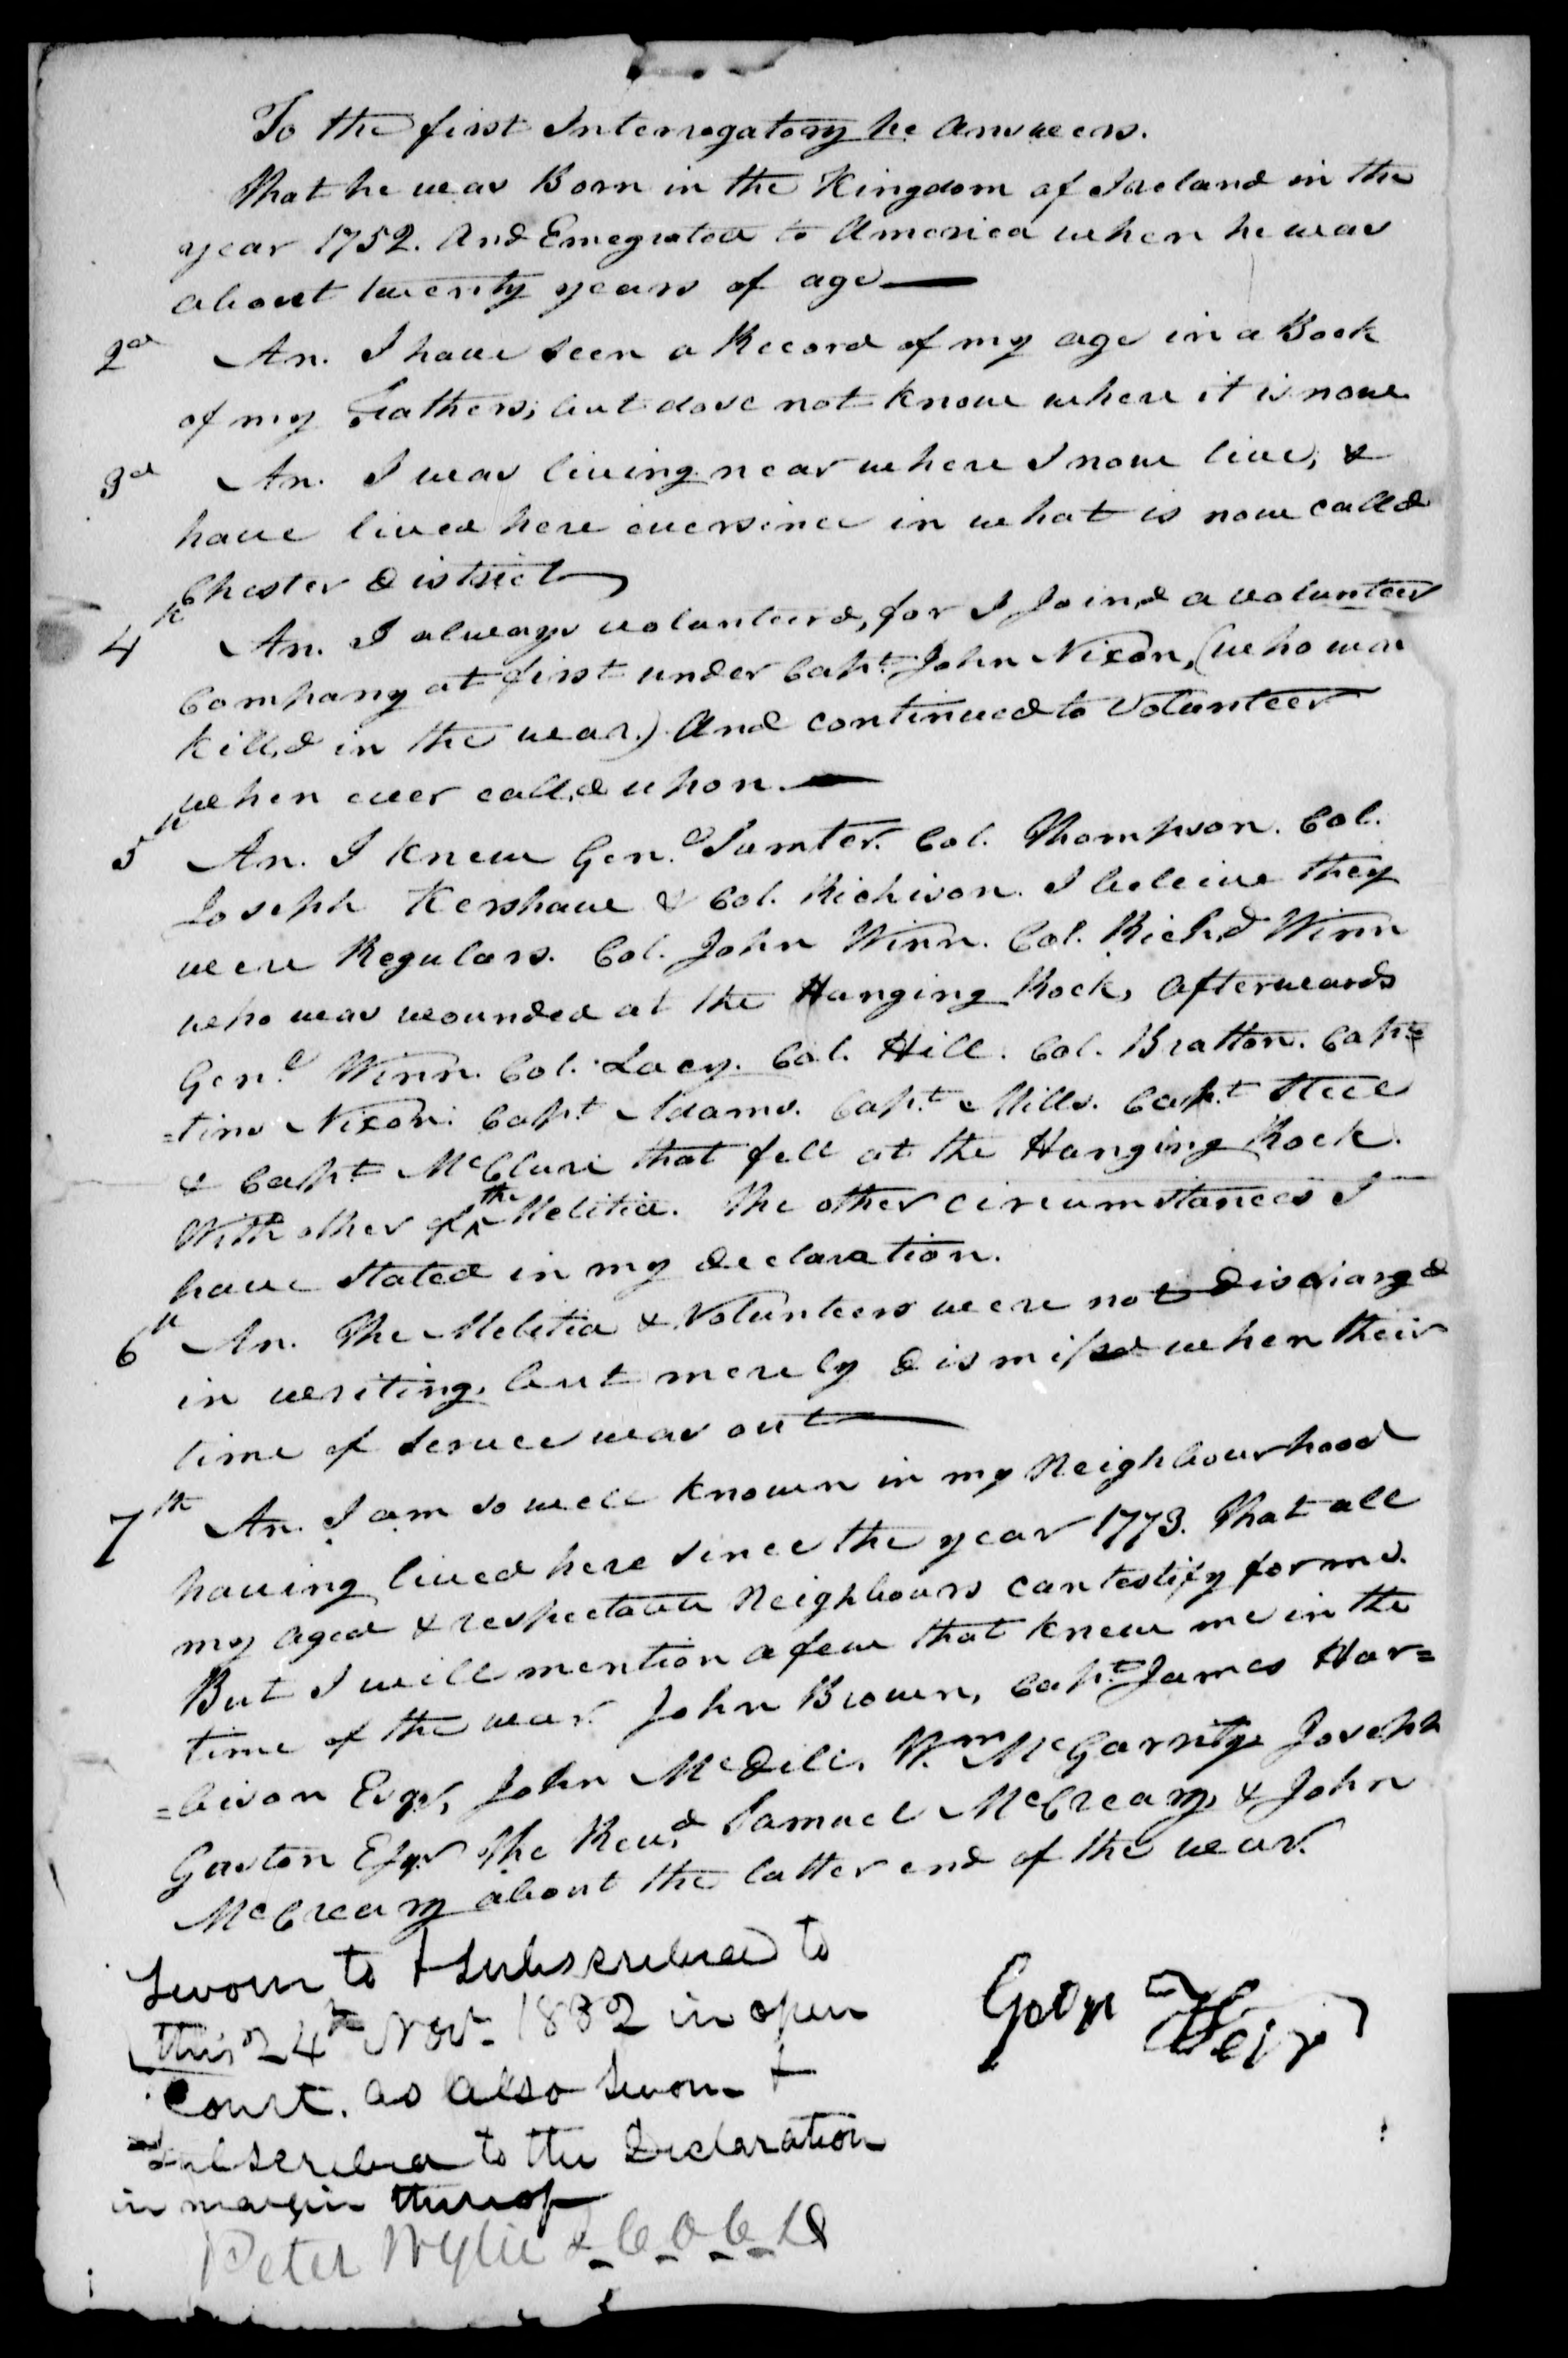To the first Interrogatory he answers
That he was born in the Kingdom of Ireland in the year 1752 and Emigrated to America when he was
about twenty years of age
2d An. I have seen a Record of my age in a Book of my fathers; but dose not know where it is now
3d A. I was living near where I now live & have lived here ever since in what is now called Chester District
4th An I always volunteered for I joined a volunteers Company at first under Capt John Nixon, (who was killed, in the war) and continued to volunteer when ever called upon
5 Ans. I knew Gen Sumter Col Thompson Col. Joseph Kershaw & Col. Richison. I believe they were Regulars. Col John Winn Col. Richard Winn, who was wounded at the Hanging Rock, afterwards
Genl Winn Col Lacy. Col Hill Col. Bratton Captain Nixon. Capt Adams, Capt Mills, Capt Steel, Capt McClure that fell at the Hanging Rock with other of the Militia. the other circumstances I have stated in my declaration
6th. The Militia & Volunteers were not discharge in writing, but merely dismiss when their time of service was out
7th An I am so well known in my neighbourhood having lived here since the year 1773. that all
my aged & respectable neighbours can testify for me. But I will mention a few that knew me in the
time of the war John Brown, Capt James Harbison Esq, John McDill, Wm Garrity, Joseph Gaston The Revd Samuel McCreary & John McCreary about the latter end of the war
[signed] George Weir

Sworn to & subscribed to the 4th Nov. 1832 in open Court, as also sworn & subscribed to the declaration in margin hereof
Peter Wylie J C O C D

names: Bratton, Hill, Joseph Gaston, John Winn, Peter Wylie, Thompson, John Nixon, Nixon, Stell, Richison, John Mc Creary, John Mc Dill, Sumter, Richd Winn, Joseph Kershaw, Mills, Winn, Lacy, Adams, Mc Clure, John Brown, James Harbison, Wm Mc Garrity, Geor Weir, Samuel Mc Creary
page: 6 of 22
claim: survivor's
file: S. 9528, George Weir, S.C.